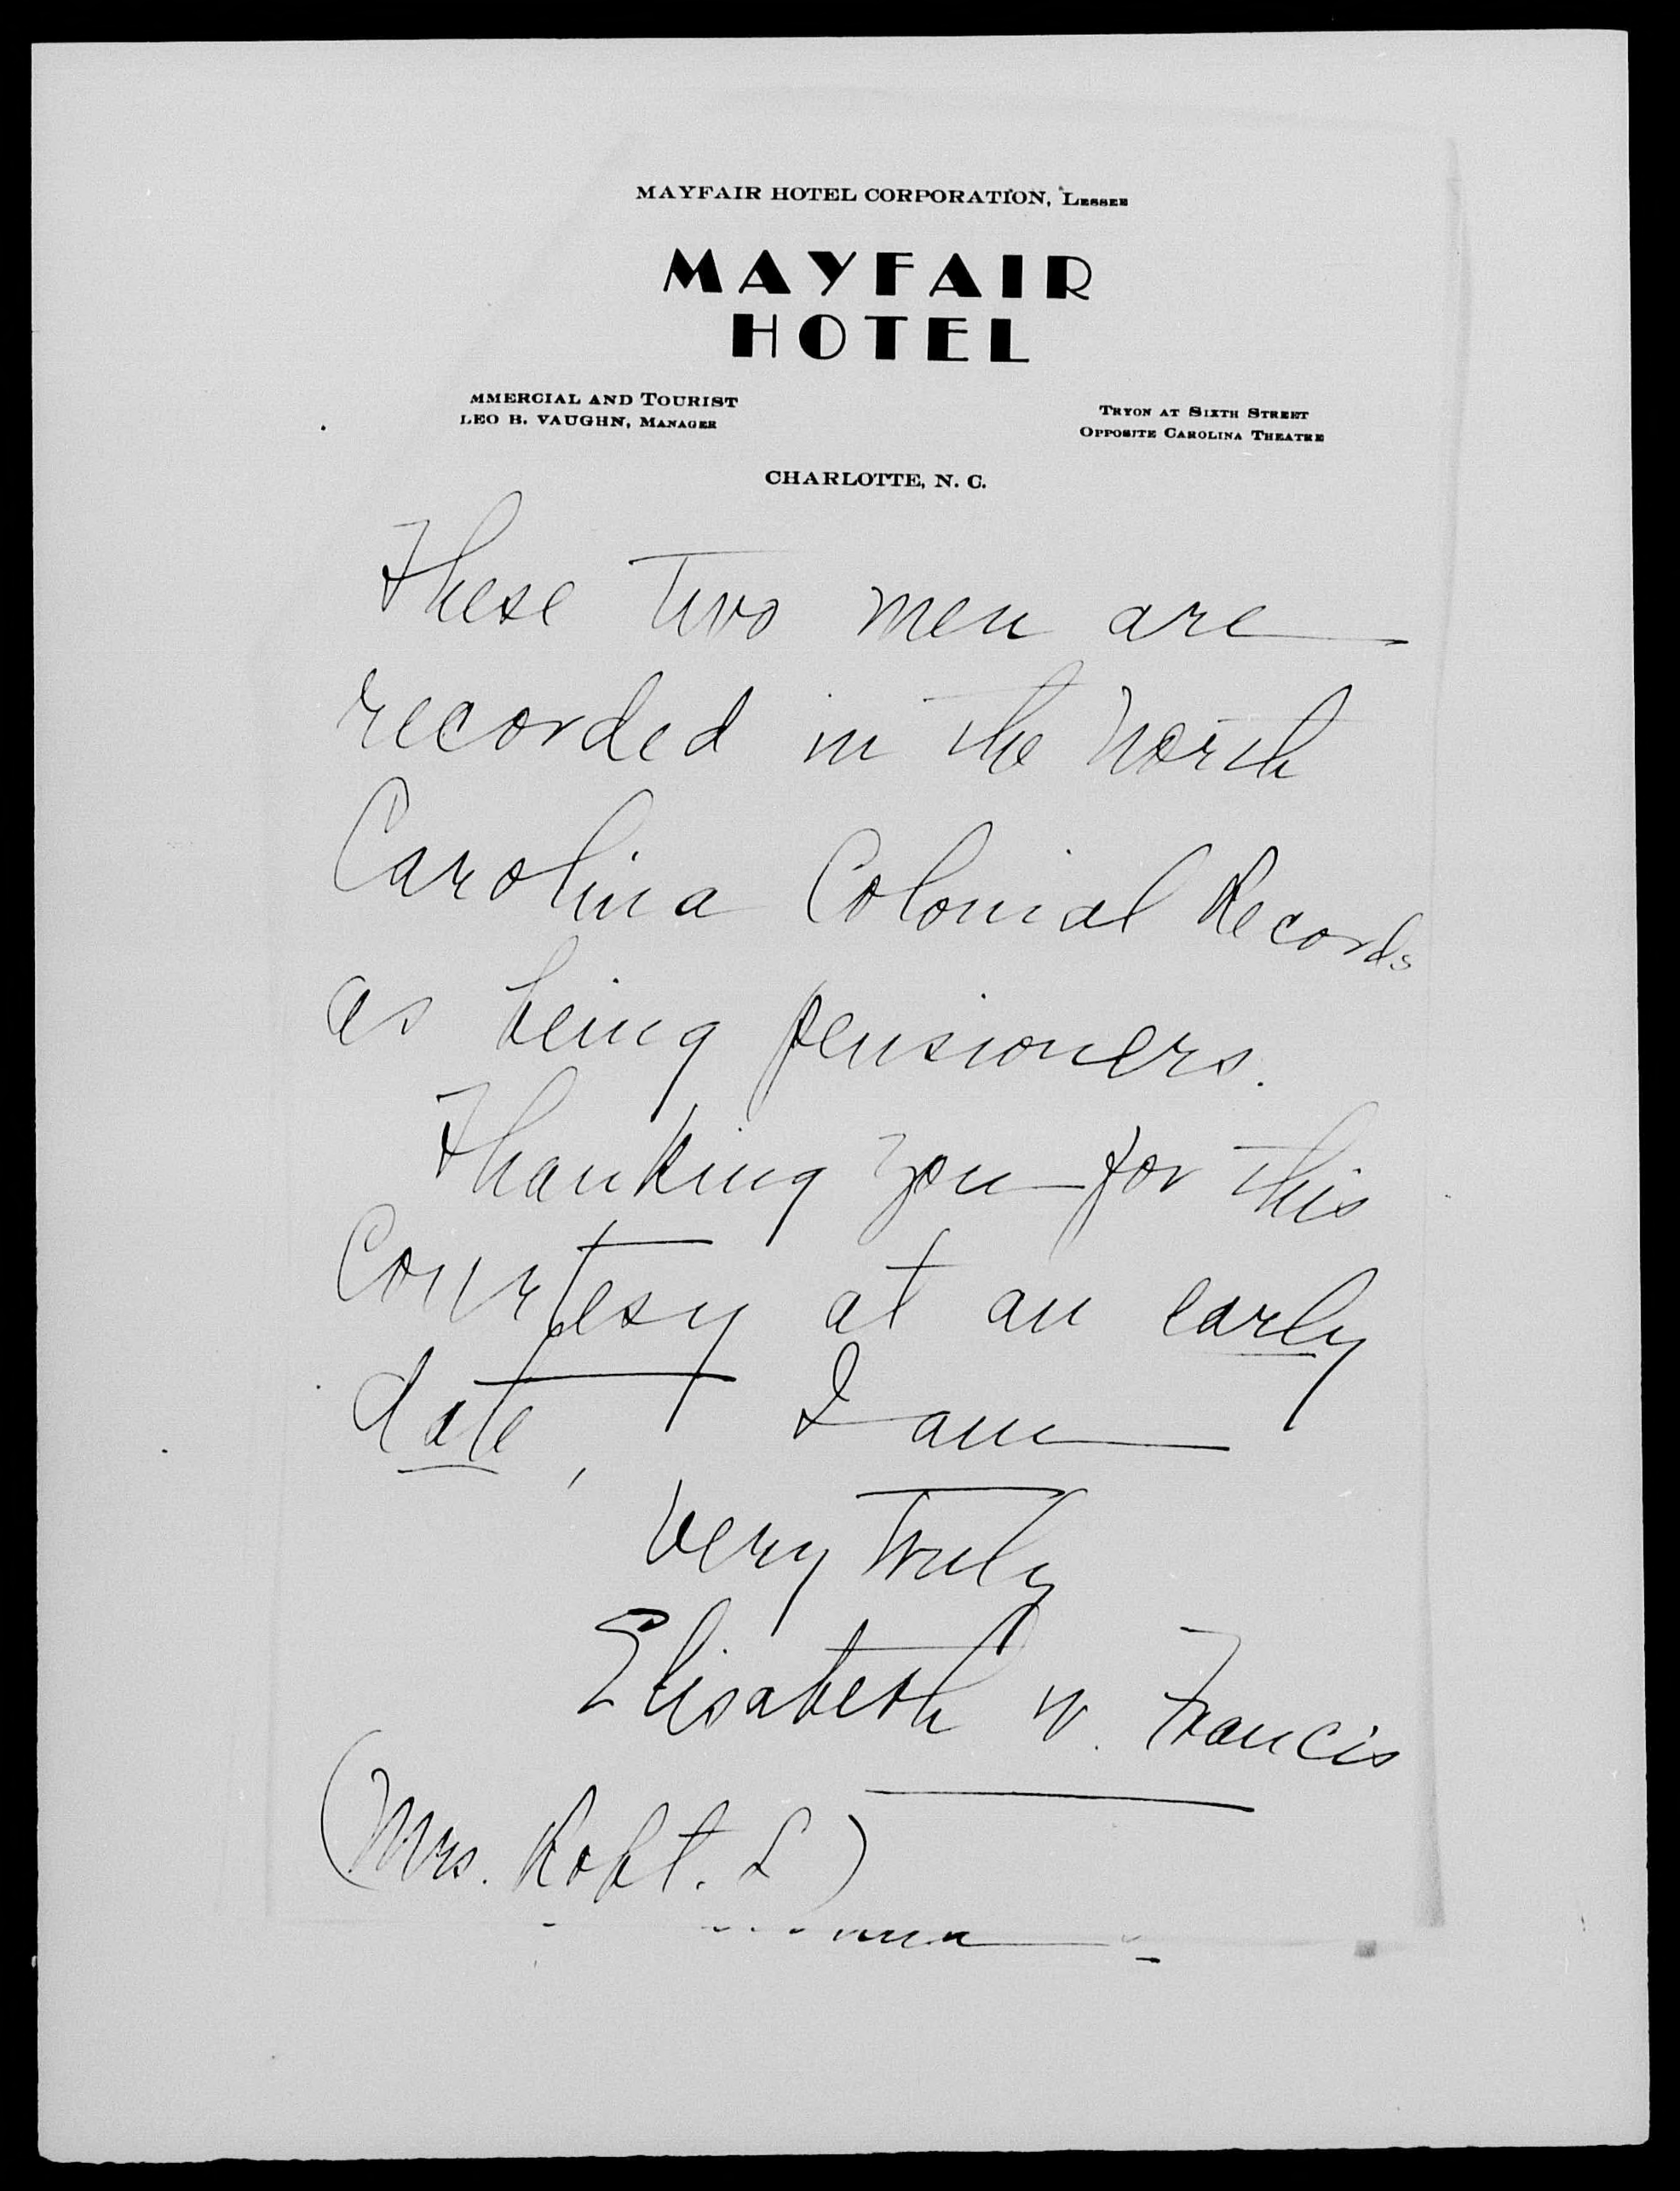[letterhead]
Mayfair Hotel Corporation, Lessee

Mayfair Hotel

Commercial and Tourist
Leo B. Vaughn, Manager

Tryon at Sixth Street 
Opposite Carolina Theatre

Charlotte, N.C.

These two men are recorded in the North Carolina Colonial records as being pensioners. Thanking you for this courtesy at an early date. I am
Very truly
Elisabeth W. Francis
(Mrs. Robt L)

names: Robt L, Elisabeth W Francis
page: 35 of 38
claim: widow's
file: W. 5231, Hilary Brinson, N.C.